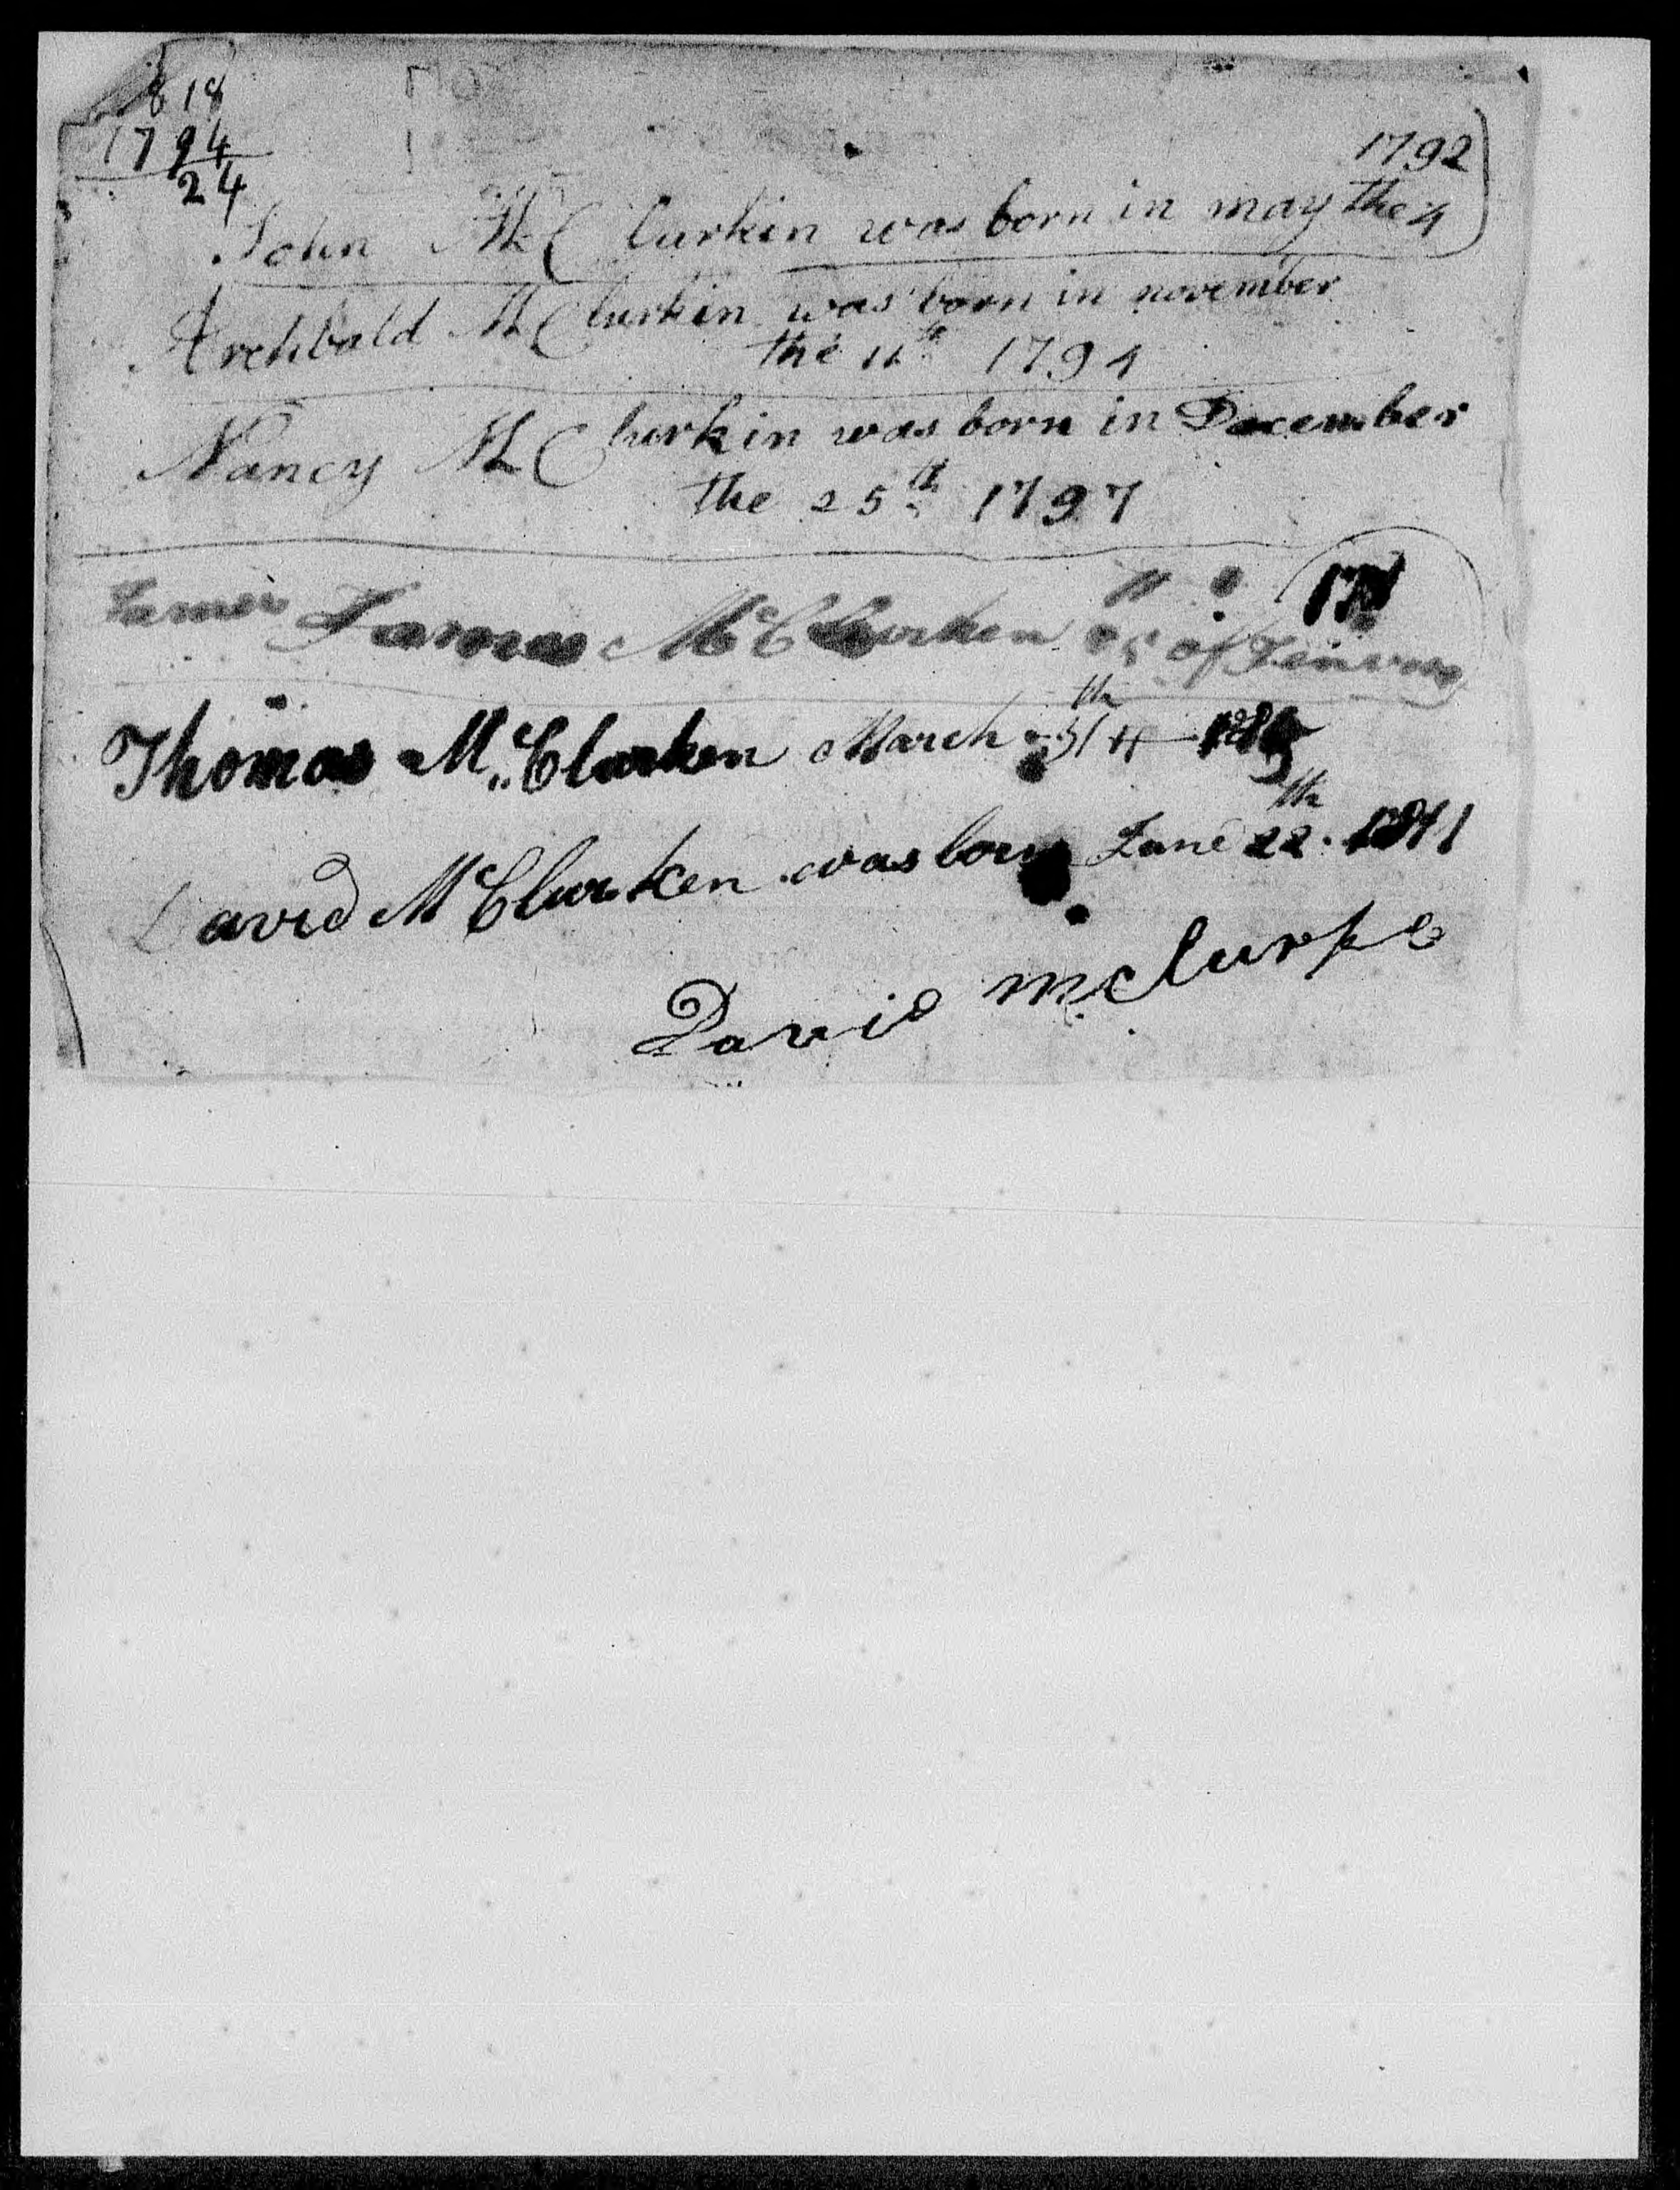1818
1794
24 

John McClurken was born in May the 4, 1792 
Archibald McClurken was born in November
the 11th 1794
Nancy McClurken was bron in December
the 25th 1797
James McClurken 11 of Janruary 17[unintelligible]
Thomas McClurken March 31 175[unintelligible]
David McClurken was born June 22th 1771

David McClurken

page: 5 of 93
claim: widow's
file: W. 21792, for Thomas Mc Clurken, South Carolina